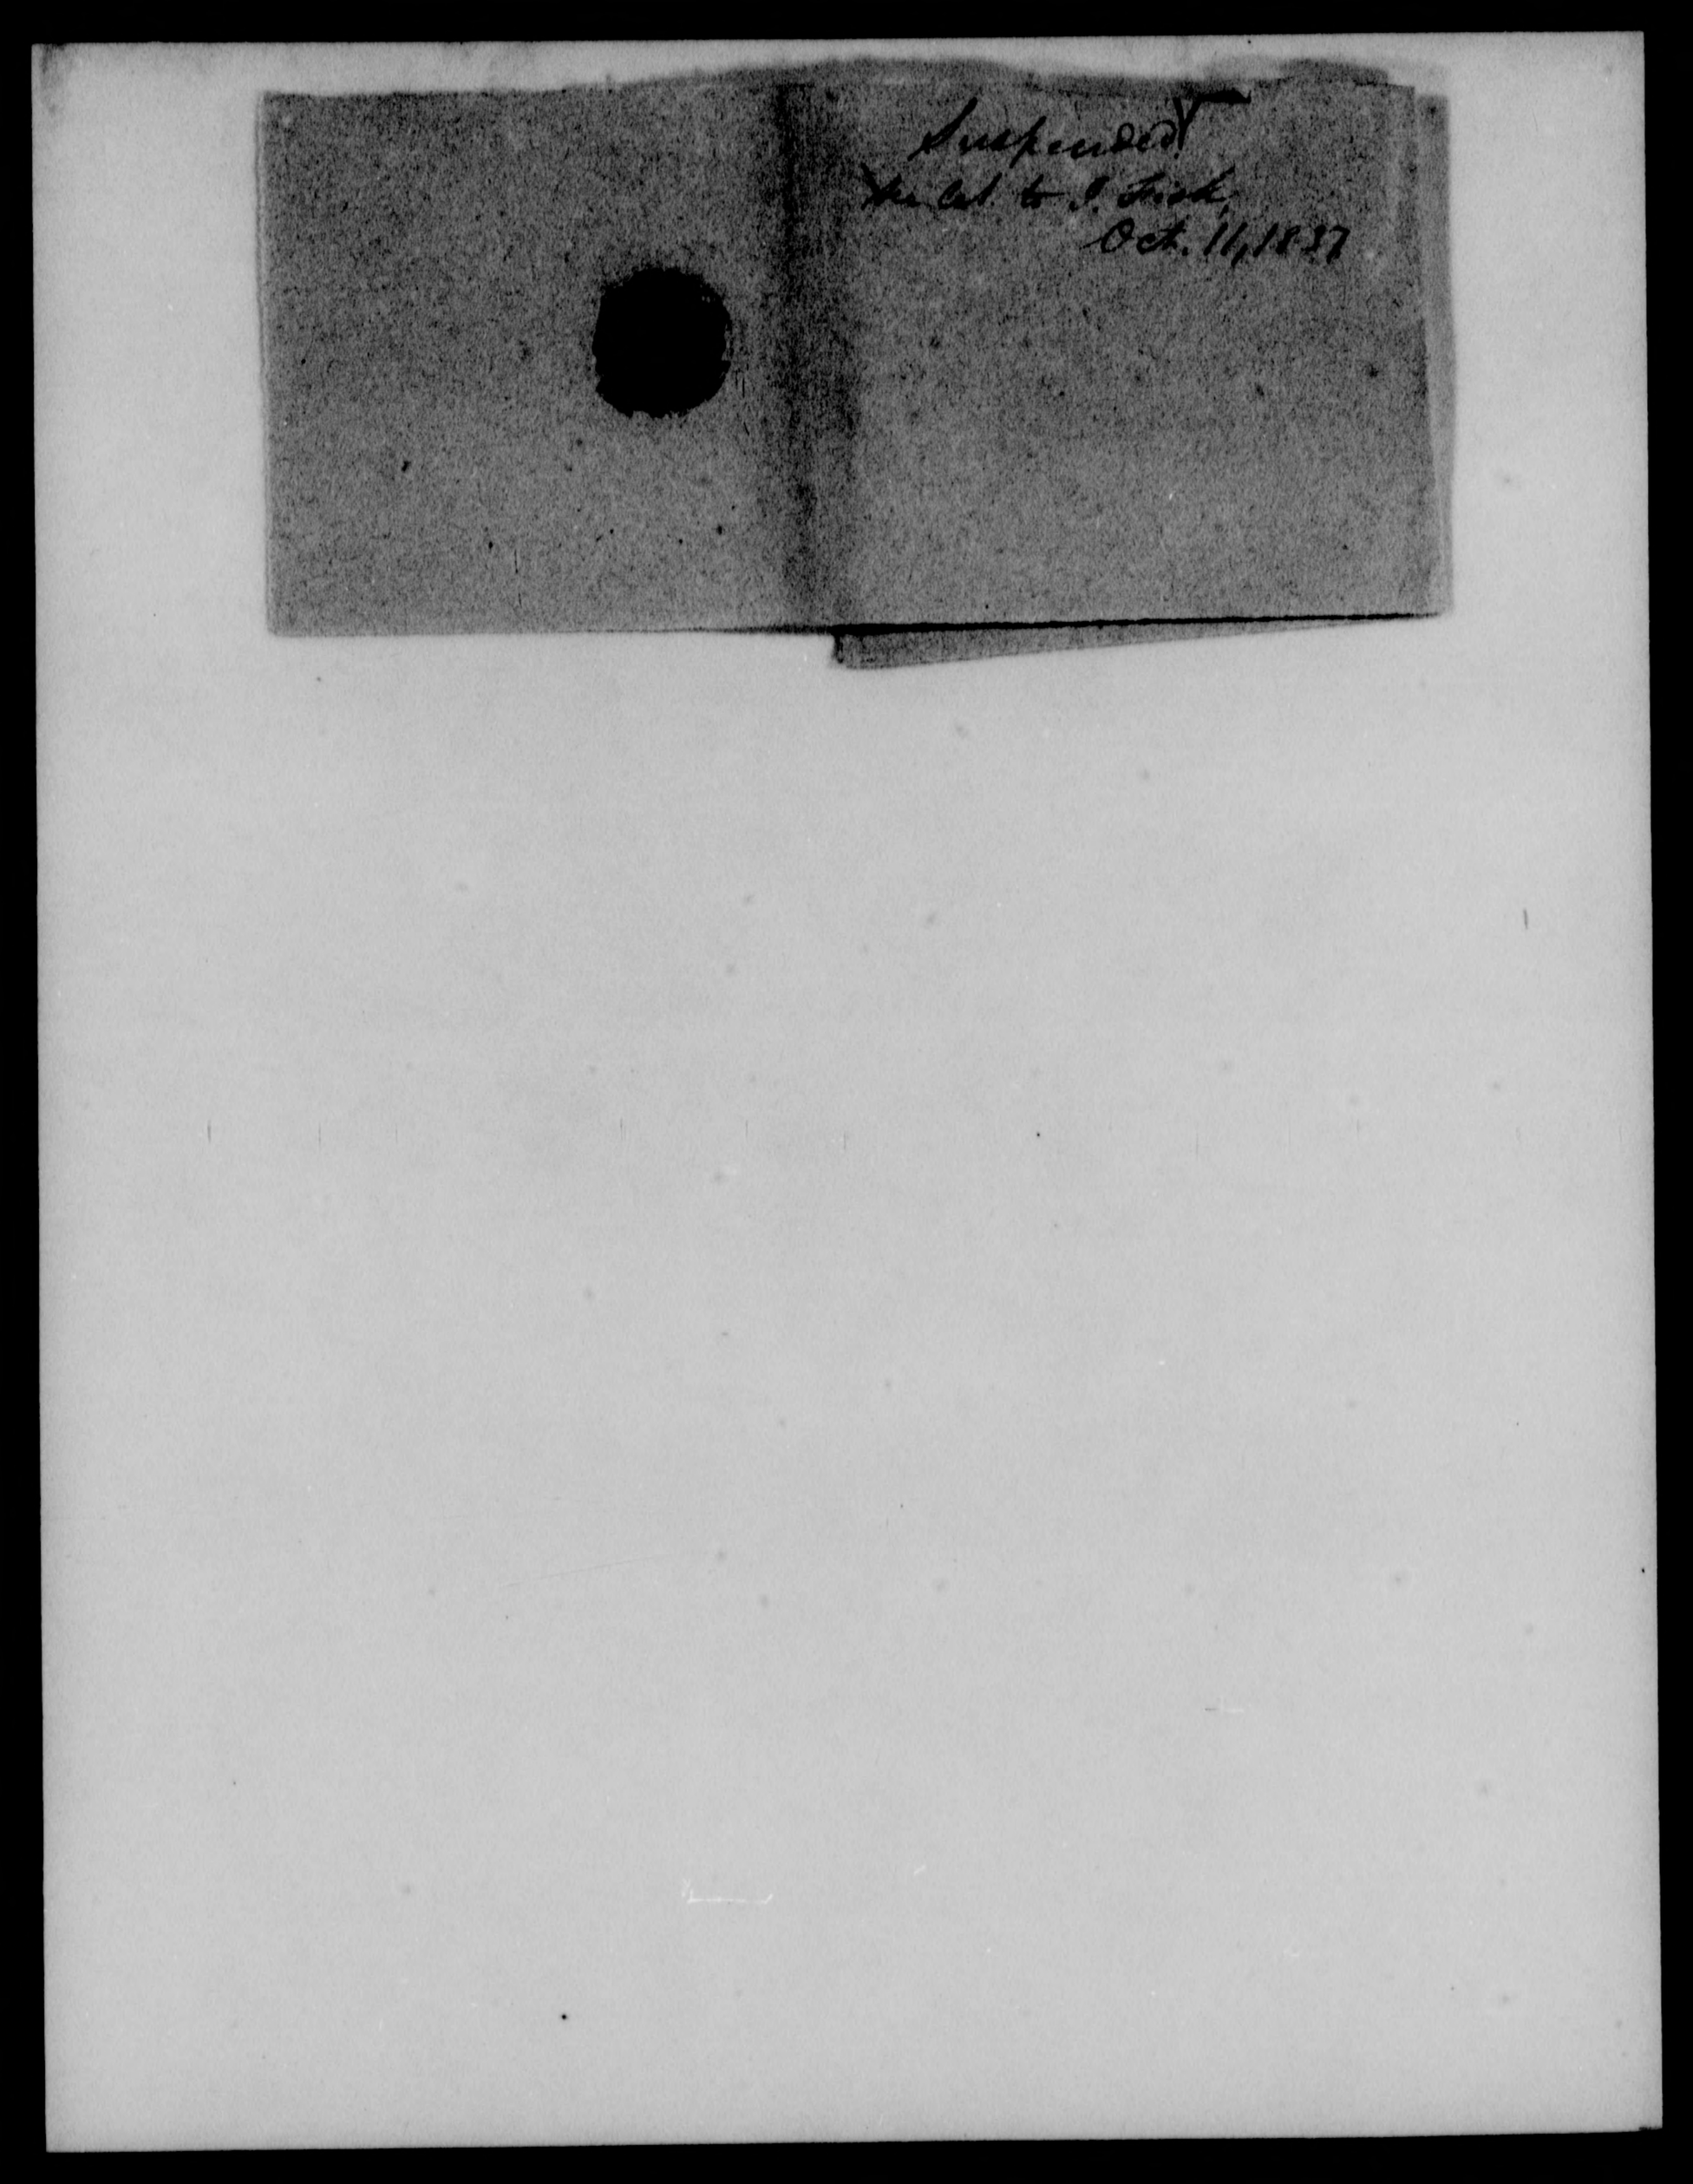Suspended
This Let to I. Fisk
Oct. 11, 1837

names: I Fiske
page: 34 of 34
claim: widow's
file: W. 15439, John Trowbridge, Mass.